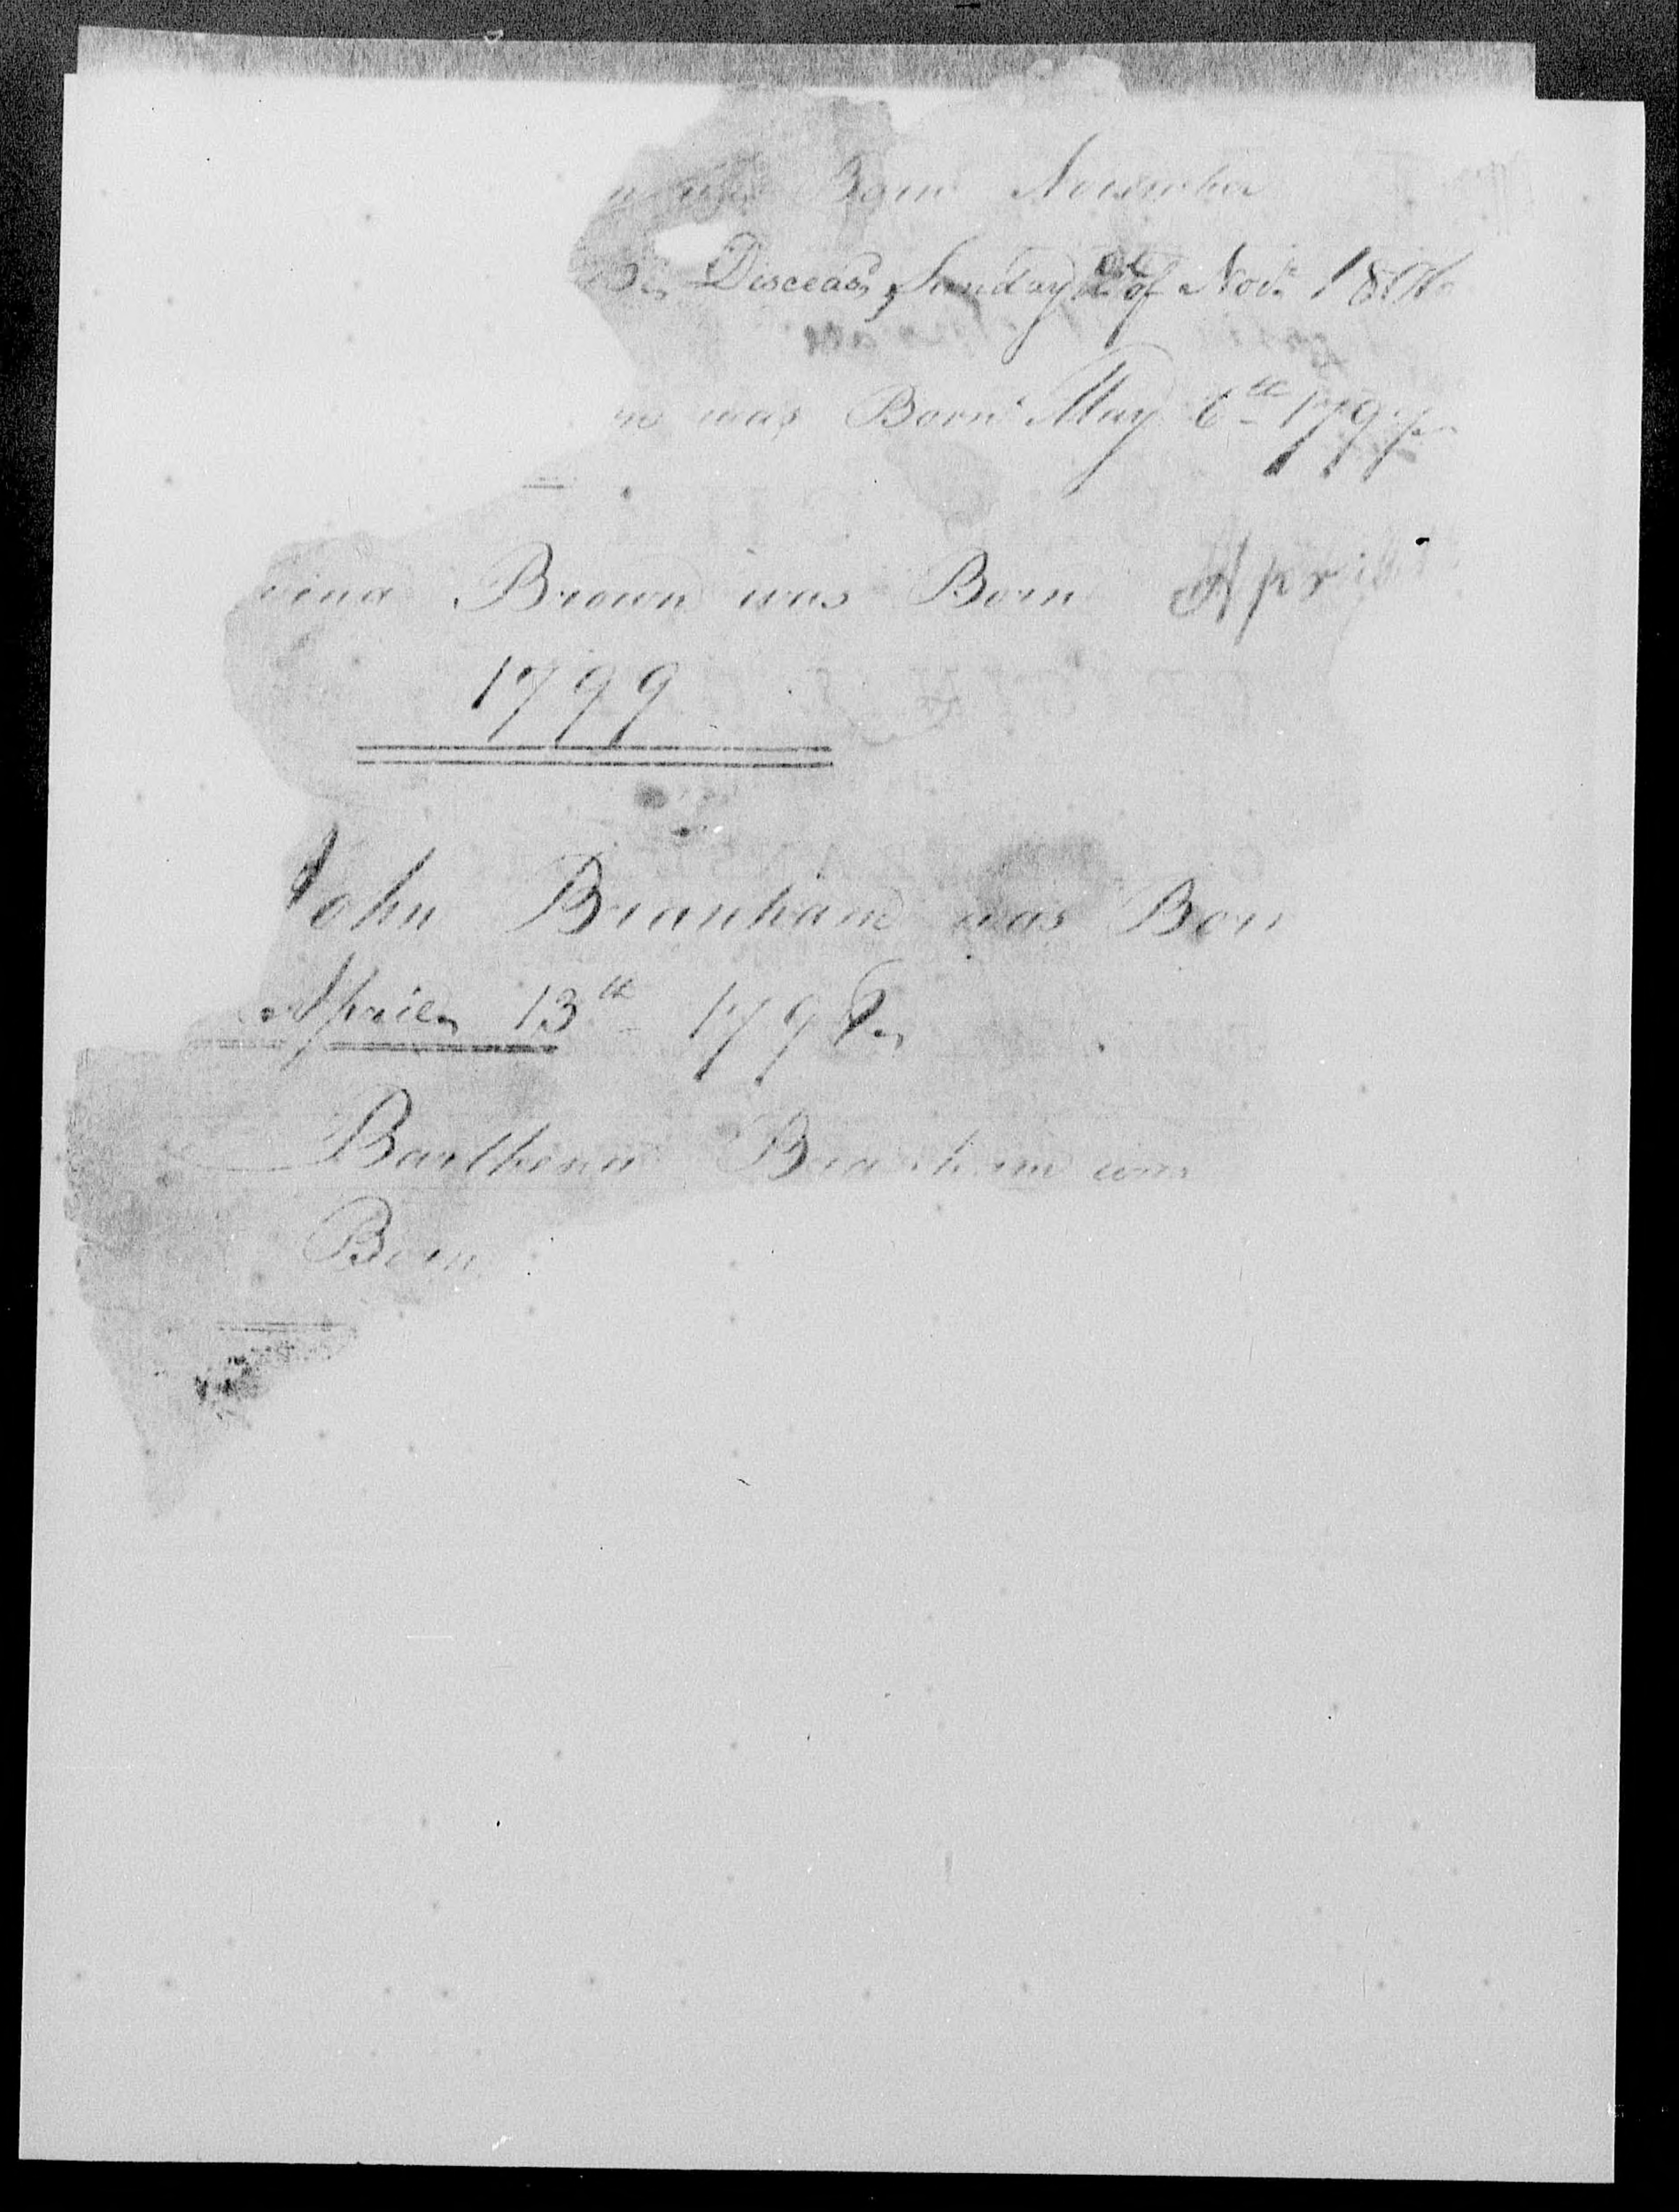[illegible] Born November
[illegible] Disceased Sunday [illegible] Nov 1806
[illegible] was born May 6th 1799
[illegible] Brown was born April [illegible] 1799
John [illegible] was born [illegible] 13th 1796
[illegible]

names: Barthena Branham, Brown, John Branham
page: 14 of 65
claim: widow's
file: W. 8384, Arabia Brown, Va.